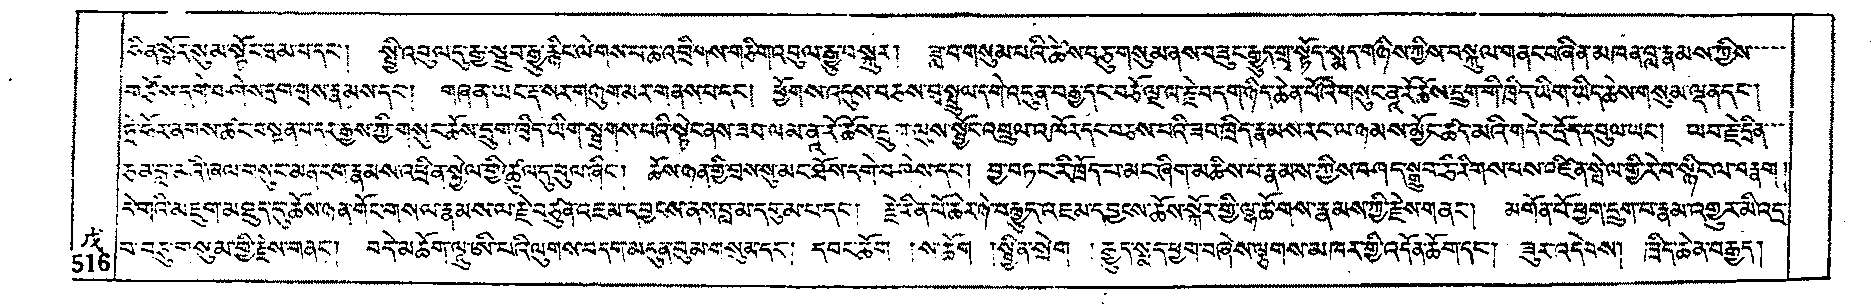ཧིན་སྒོར་སུམ་སྟོང་ཐམ་པ་དང་། སྤྱི་འབུལ་དུ་རྒྱ་སྦུབ་རྒྱུ་རྙིང་ལེགས་པ་ཆ་འགྲིགས་གཅིག་འབུལ་རྒྱུ་བསྐུར། ཟླ་བ་གསུམ་པའི་ཚེས་བཅུ་གསུམ་ནས་བཟུང་རྒྱུད་གྲྭ་སྟོད་སྨད་གཉིས་ཀྱིས་བསྐུལ་གནང་བཞིན་མཁན་བླ་རྣམས་ཀྱིས་
གཙོས་དགེ་བཤེས་དྲག་གྲས་རྣམས་དང་། གཞན་ཡང་རྡ་སར་གཉུག་མར་གནས་པ་དང་། ཕྱོགས་འདུས་བཅས་བླ་སྤྲུལ་དགེ་འདུན་བརྒྱ་དང་བཅོ་ལྔ་ལ་རྗེ་བདག་ཉིད་ཆེན་པོའི་གསུང་ནཱ་རོ་ཆོས་དྲུག་གི་ཁྲིད་ཡིག་ཡིད་ཆེས་གསུམ་ལྡན་དང་།
ཏྲེ་ཧོར་ནགས་ཚང་བསྟན་པ་དར་རྒྱས་ཀྱི་གསུང་ཆོས་དྲུག་ཁྲིད་ཡིག་སྦྲགས་པའི་སྟེང་ནས་ཟབ་ལམ་ནཱ་རོ་ཆོས་དྲུག་ལུས་སྦྱོང་འཕྲུལ་འཁོར་དང་བཅས་པའི་ཟབ་ཁྲིད་རྣམས་རང་ལ་ཉམས་མྱོང་ཚད་མའི་གདེང་དྲོད་དབུལ་ཡང་། ཡབ་རྗེ་དྲིན་
ཅན་བླ་མའི་ཞལ་གསུང་མན་ངག་རྣམས་འཕྲིན་སྐྱེལ་གྱི་ཚུལ་དུ་ཕུལ་ཞིང་། ཆོས་ཉན་གྱི་གྲས་སུ་མང་ཐོས་དགེ་བཤེས་དང་། བྱ་བཏང་རི་ཁྲོད་པ་མང་ཞིག་མཆིས་པ་རྣམས་ཀྱིས་བཤད་སྒྲུབ་ཅི་རིགས་པས་འཛིན་སྤེལ་གྱི་རེ་བ་སྙིང་ལ་བརྣག །
དེ་གའི་མཇུག་མཐུད་དུ་ཆོས་ཉན་གོང་གསལ་རྣམས་ལ་རྗེ་བཙུན་འཇམ་དབྱངས་ནས་བླ་མ་དབུ་མ་དང་། རྗེ་རིན་པོ་ཆེར་ཉི་བརྒྱུད་འཇམ་དབྱངས་ཆོས་སྐོར་གྱི་ལྷ་ཚོགས་རྣམས་ཀྱི་རྗེ་གནང་། མགོན་པོ་ཕྱག་དྲུག་པ་རྣམ་འགྱུར་མི་འདྲ་
བ་བཅུ་གསུམ་གྱི་རྗེས་གནང་། བདེ་མཆོག་ལཱུ་ཨི་པའི་ལུགས་བདག་མདུན་བུམ་གསུམ་དང་། དབང་ཆོག །ས་ཆོག །སྦྱིན་སྲེག །རྒྱུད་སྨད་ཕྱག་བཞེས་ལྕགས་མཁར་གྱི་འདོན་ཆོག་དང་། ཟུར་འདེབས། ཁྲིད་ཆེན་བརྒྱད།